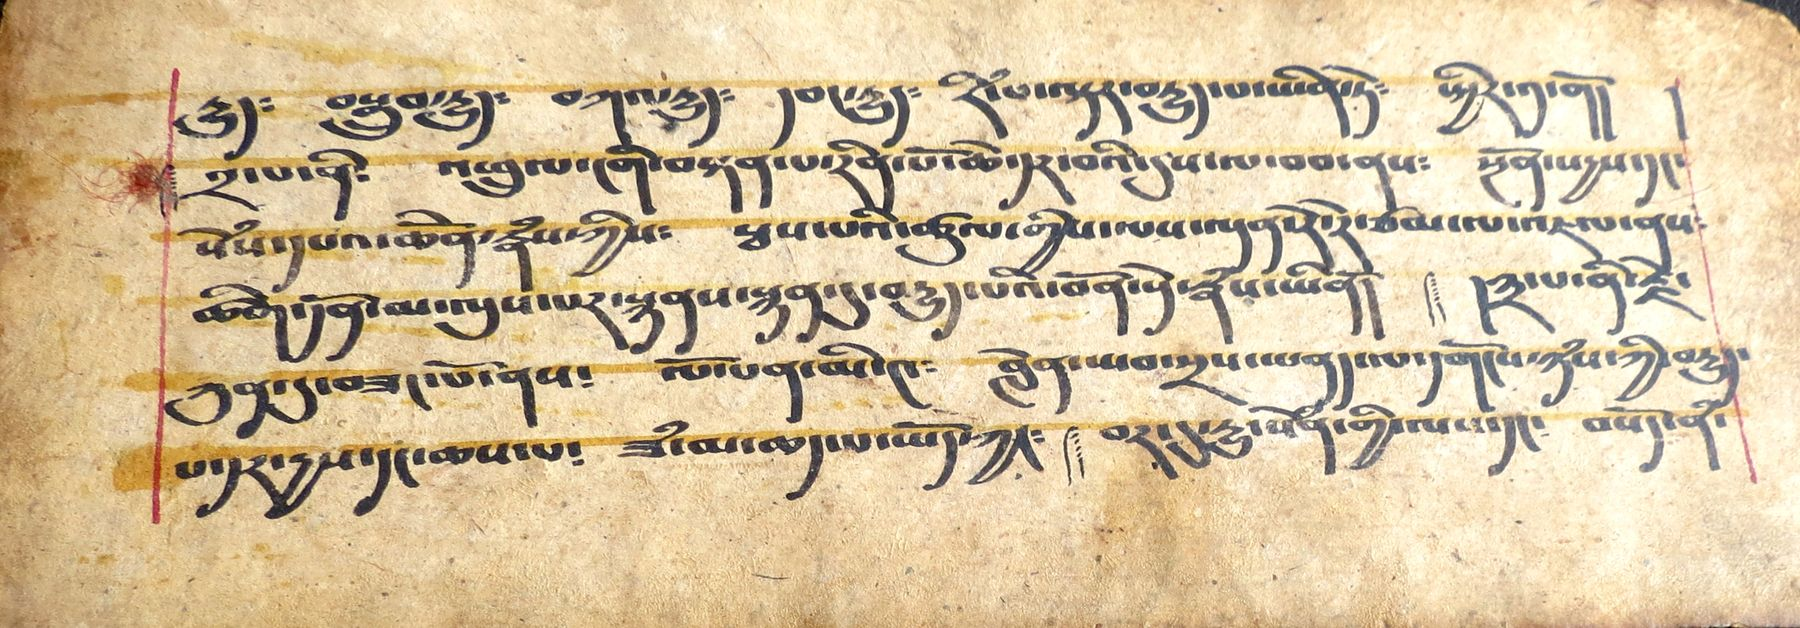བརྒྱུད་དང་། སྒྲུབ་བརྒྱུད་བཀའ་བརྒྱུད་དབང་བརྒྱུད་རིམ་པ་ལྟར་བརྒྱུད་པ་རྣམས་ཡིན་ཏེ། སྤྱི་གཅིག་གོ། 
གཉིས་པ་ནི། ༼སྙན་རྒྱུད་ཟབ་མོའི་རྒྱུད་པ༽ འཕྲུལ་ངག་གི་བསྟན་པ་རིན་པོ་ཆེ་དར་བའི་དུས་ལ་བབས་ནས། སྔོན་གྱི་སངས་རྒྱས་དང་
སེམས་དཔའ་ཆེན་པོ་རྣམས་ཀྱིས་སྦས་པའི་ཚུལ་གྱིས་ལས་ལྡན་རེ་རེ་ཙམ་ལ་མཇལ་ནས། 
ཚིག་དོན་མ་ལུས་པ་སྙན་ནས་སྙན་དུ་བརྒྱུད་པའི་བོན་སྡེ་རྣམས་ཡིན་ནོ། ། གསུམ་པ་ནི། ༼རྟོགས་ལྡན་ཉམས་ཀྱི་བརྒྱུད་པ་ནི། ༽ རྗེ་
ཀུན་ཏུ་བཟང་པོ་ནས་ལོ་པཎ་མི་བཞི། བླ་ཆེན་ཡབ་སྲས་ཡན་ཆོད་ལ་དགོངས་ཉམས་ཀྱི་བརྒྱུད་
པ་དར་རྒྱས་དང་བཅས་པ་ཟམ་མ་ཆད་པར་ཡོད་ཀྱང་། བར་དུ་རྒྱུ་སེམས་ཅན་གྱི་ལས་དང་བསོད་ནམས།